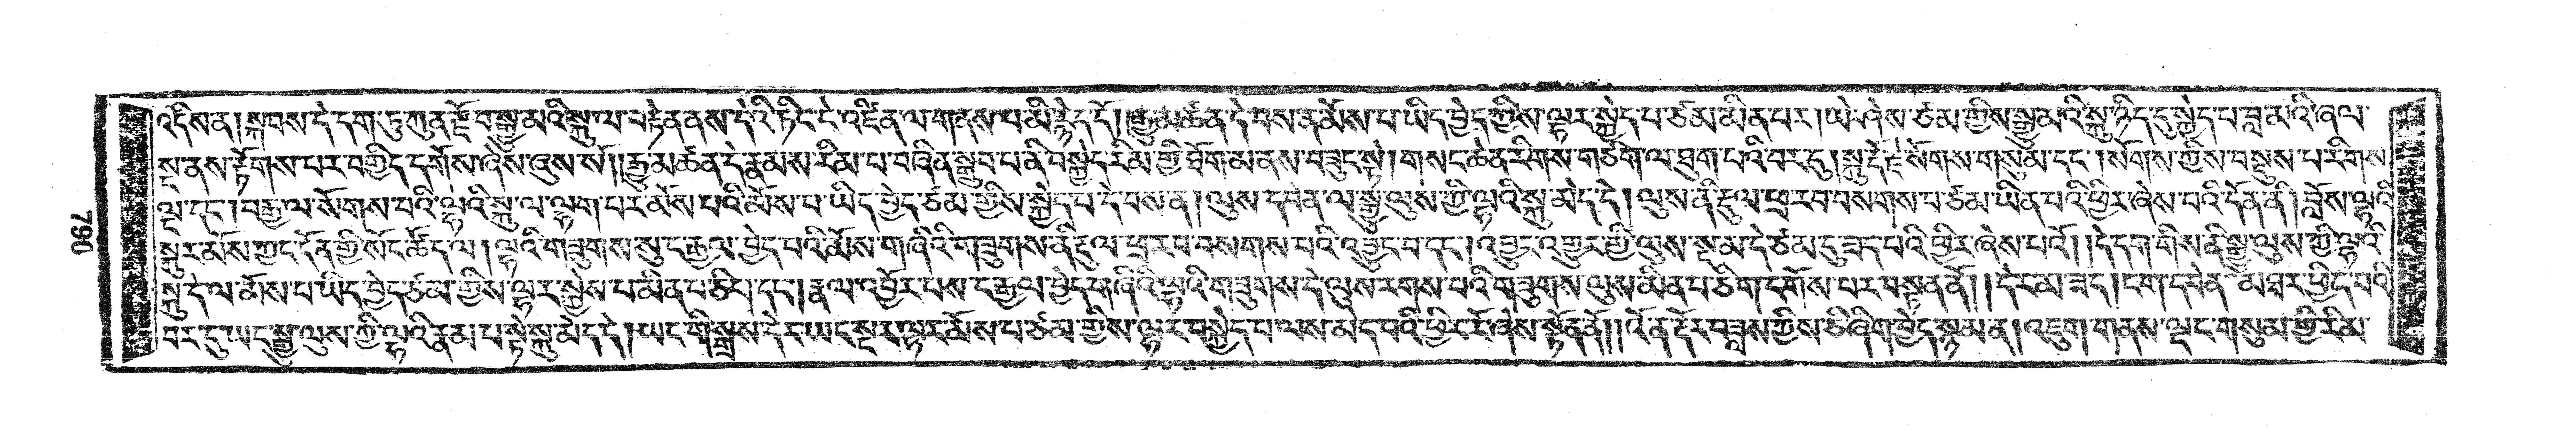འདིས་ན། སྐབས་དེ་དག་ཏུ་ཀུན་རྫོབ་སྐྱུ་མའི་སྐུ་ལ་བརྟེན་ནས་དེའི་ཏིང་ངེ་འཛིན་ལ་གནས་པ་མི་རྙེད་དོ། །རྒྱུ་མཚན་དེ་ནས་ན་མོས་པ་ཡིད་བྱེད་ཀྱིས་ལྷར་སྐྱེད་པ་ཙམ་མིན་པར། ཡེ་ཤེས་ཙམ་གྱིས་སྒྱུ་མའི་སྐུ་ཉིད་དུ་སྐྱེད་པ་བླ་མའི་ཞལ་
སྔ་ནས་རྟོགས་པར་བགྱིད་དགོས་ཞེས་ཞུས་སོ། །རྒྱུ་མཚན་དེ་རྣམས་རིམ་པ་བཞིན་སྒྲུབ་པ་ནི་བསྐྱེད་རིམ་གྱི་ཐོག་མ་ནས་བཟུང་སྟེ། གསང་ཆེན་རིགས་གཅིག་ལ་ཐུག་པའི་བར་དུ། སྐུ་རྡོ་རྗེ་སོགས་གསུམ་དང་། སོགས་ཀྱིས་བསྡུས་པ་རིགས་
ལྔ་དང་། བརྒྱ་ལ་སོགས་པའི་ལྷའི་སྐུ་ལ་ལྷག་པར་མོས་པའི་མོས་པ་ཡིད་བྱེད་ཙམ་གྱིས་སྐྱེད་པ་དེ་བས་ན། ལུས་དབེན་ལ་སྒྱུ་ལུས་ཀྱི་ལྷའི་སྐུ་མེད་དེ། ལུས་ནི་རྡུལ་ཕྲ་རབ་བསགས་པ་ཙམ་ཡིན་པའི་ཕྱིར་ཞེས་པའི་དོན་ནི། བློས་ལྷའི་
སྐུར་མོས་ཀྱང་དོན་གྱི་སོང་ཚོད་ལ། ལྷའི་གཟུགས་སུ་ང་རྒྱལ་བྱེད་པའི་གཞིའི་གཟུགས་ནི་རྡུལ་ཕྲ་རབ་བསགས་པའི་འབྱུང་བ་དང་། འབྱུང་འགྱུར་གྱི་ལུས་སྔ་མ་དེ་ཙམ་དུ་ཟད་པའི་ཕྱིར་ཞེས་པའོ། །དེ་དག་གིས་ནི་སྒྱུ་ལུས་ཀྱི་ལྷའི་
སྐུ་དེ་ལ་མོས་པ་ཡིད་བྱེད་ཙམ་གྱིས་ལྷར་སྐྱེས་པ་མིན་པ་ཅིག་དང་། རྣལ་འབྱོར་པས་ང་རྒྱལ་བྱེད་གཞིའི་ལྷའི་གཟུགས་དེ་ལུས་རགས་པའི་གཟུགས་ལུས་མིན་པ་ཅིག་དགོས་པར་བསྟན་ནོ། །དེར་མ་ཟད་། ངག་དབེན་མཐར་ཕྱིན་པའི་
བར་དུ་ཡང་སྒྱུ་ལུས་ཀྱི་ལྷའི་རྣམ་པ་སྟེ་སྐུ་མེད་དེ། ཡང་གི་སྒྲས་དེར་ཡང་སྔར་ལྟར་མོས་པ་ཙམ་གྱིས་ལྷར་བསྐྱེད་པ་ལས་མེད་པའི་ཕྱིར་རོ་ཞེས་སྟོན་ནོ། །འོ་ན་རྡོར་བཟླས་ཀྱིས་ཅི་ཞིག་བྱེད་སྙམ་ན། འཇུག་གནས་ལྡང་གསུམ་གྱི་རིམ་